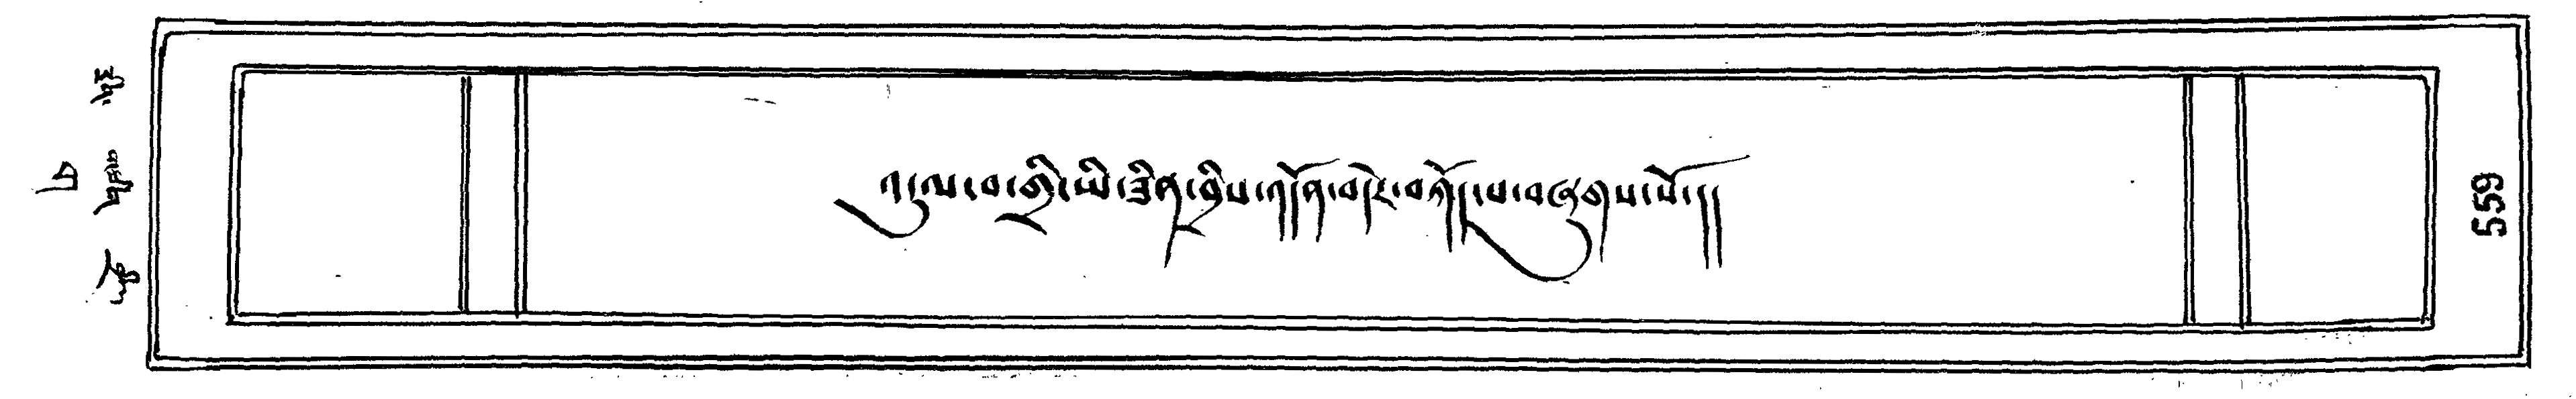༄༅། འདུལ་བ་གྲི་ཡི་ཟིན་བྲིས་འདོན་བདེར་བཀོད་པ་བཞུགས་སོ་།།